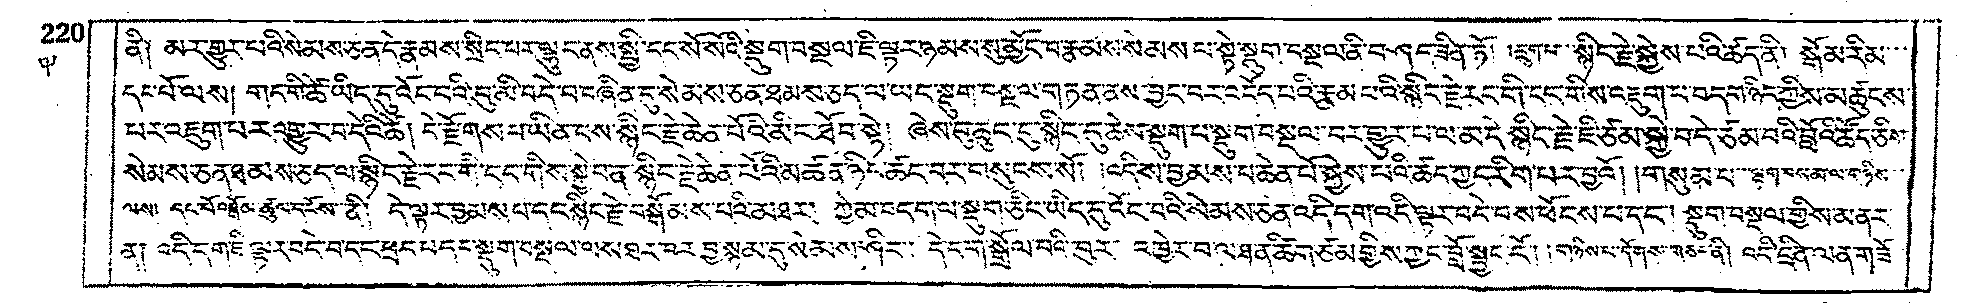ནི༑ མར་གྱུར་པའི་སེམས་ཅན་དེ་རྣམས་སྲིད་པར་ལྷུང་ནས་སྤྱི་དང་སོ་སོའི་སྡུག་བསྔལ་ཇི་ལྟར་ཉམས་སུ་མྱོང་བ་རྣམས་སེམས་པ་སྟེ་སྡུག་བསྔལ་ནི་བཤད་ཟིན་ཏོ། །དྲུག་པ་སྙིང་རྗེ་སྐྱེས་པའི་ཚད་ནི། སྒོམ་རིམ་
དང་པོ་ལས། གང་གི་ཚེ་ཡིད་དུ་འོང་བའི་བུ་མི་བདེ་བ་བཞིན་དུ་སེམས་ཅན་ཐམས་ཅད་ལ་ཡང་སྡུག་བསྔལ་གཏན་ནས་བྱང་བར་འདོད་པའི་རྣམ་པའི་སྙིང་རྗེ་རང་གི་ངང་གིས་འཇུག་པ་བདག་ཉིད་ཀྱིས་མཚུངས་
པར་འཇུག་པར་འགྱུར་བ་དེའི་ཚེ། དེ་རྫོགས་པ་ཡིན་པས་སྙིང་རྗེ་ཆེན་པོའི་མིང་ཐོབ་སྟེ། ཞེས་བུ་ཆུང་དུ་སྙིང་དུ་ཆེས་སྡུག་པ་སྡུག་བསྔལ་བར་གྱུར་པ་ལ་མ་དེ་སྙིང་རྗེ་ཇི་ཙམ་སྐྱེ་བ་དེ་ཙམ་པའི་བློའི་ཚོད་ཅིག་
སེམས་ཅན་ཐམས་ཅད་ལ་སྙིང་རྗེ་རང་གི་ངང་གིས་སྐྱེ་བ་ན་སྙིང་རྗེ་ཆེན་པོའི་མཚན་ཉིང་ཚང་བར་གསུངས་སོ། །འདིས་བྱམས་པ་ཆེན་པོ་སྐྱེས་པའི་ཚད་ཀྱང་རིག་པར་བྱའོ། །གསུམ་པལྷག་བསམ་ལ་གཉིས་
ལས། དང་པོ་བསྒོམ་ཚུལ་དངོས་ནི། དེ་ལྟར་བྱམས་པ་དང་སྙིང་རྗེ་བསྒོམས་པའི་མཐར། ཀྱེ་མ་བདག་ལ་སྡུག་ཅིང་ཡིད་དུ་འོང་བའི་སེམས་ཅན་འདི་དག་འདི་ལྟར་བདེ་བས་ཕོངས་པ་དང་། སྡུག་བསྔལ་གྱིས་མནར་
ན༑ འདི་དག་ཇི་ལྟར་བདེ་བ་དང་ཕྲད་པ་དང་སྡུག་བསྔལ་ལས་ཐར་བར་བྱ་སྙམ་དུ་སེམས་ཤིང་། དེ་དག་སྒྲོལ་བའི་ཁུར་འཁྱེར་བ་ལ་ཐ་ན་ཚིག་ཙམ་གྱིས་ཀྱང་བློ་སྦྱང་ངོ། །གཉིས་པ་དོགས་གཅང་ནི། འདི་དྲིན་ལན་གཟོ་